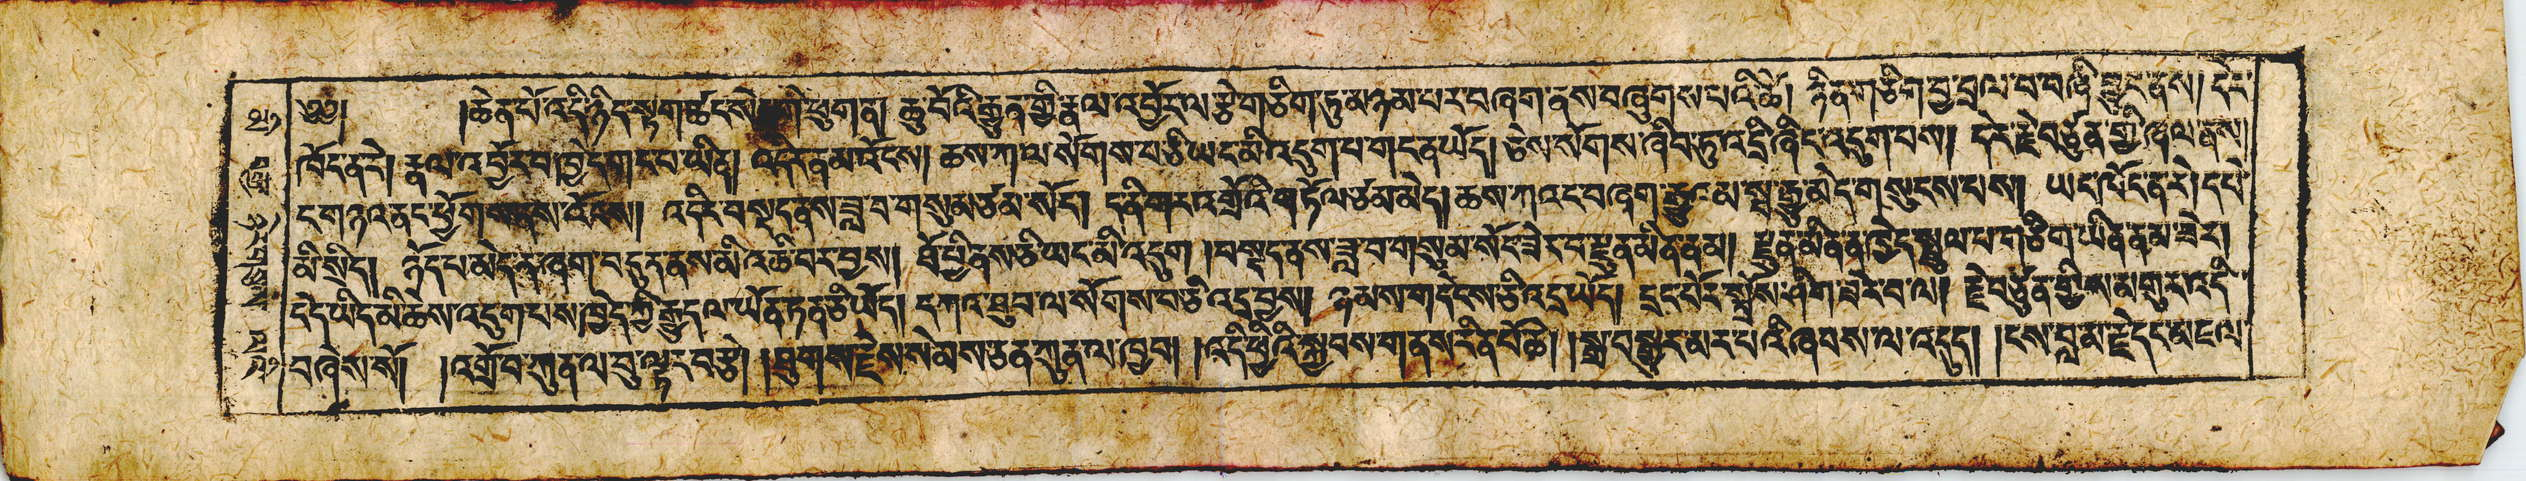ཆེན་པོ་འདི་ཉིད་སྟག་ཚང་སེང་གེ་ཕུག་ན། ཆུ་བོའི་རྒྱུན་གྱི་རྣལ་འབྱོར་ལ། །རྩེ་གཅིག་ཏུ་མཉམ་པར་བཞག་ནས་བཞུགས་པའི་ཚེ། ཆིན་གཅིག་བྱ་བྲལ་བ་བཞི་བྱུང་ནས། དེར་
ཁོང་ན་རེ། རྣལ་འབྱོར་བ་ཁྱེད་གང་བ་ཡིན། འདིར་ན་མ་འོངས། ཆས་ཀ་ལ་སོགས་པ་ཅི་ཡང་མི་འདུག་པ་གང་ན་ཡོད། ཅེས་སོགས་ཞིབ་ཏུ་འདྲི་ཞིང་འདུག་པས། དེར་རྗེ་བཙུན་གྱི་ཞལ་ནས། 
ང་གཉའ་ནང་ཕྱོགས་ནས་འོང་། འདིར་བསྡད་ནས་ཟླ་བ་གསུམ་ཙམ་སོང་། ད་ནི་གར་འགྲོའི་གཏོལ་ཙམ་མེད། ཆས་ཀའང་བཞག་རྒྱུའམ་སྦ་རྒྱུ་མེད་གསུངས་པས། ཡང་ཁོང་ན་རེ། དཔེ་
མི་སྲིད། ཉོད་པ་མེད་ན་ཞག་བདུན་ནས་མི་འཆི་བར་བྱས། ཐོ་ཕྱི་ནས་ཅི་ཡང་མི་འདུག །བསྡད་ནས་ཟླ་བ་གསུམ་སོང་ཟེར་བ་རྫུན་ཡིན་ནམ། རྫུན་མིན་ན་ཁྱེད་སྤྲུལ་པ་གཅིག་ཡིན་ནམ་ཟེར། 
ངེད་ཡིད་མི་ཆེས་འདུག་པས་ཁྱེད་ཀྱི་རྒྱུད་ལ་ཡོན་ཏན་ཅི་ཡོད། དཀའ་ཐུབ་ལ་སོགས་པ་ཅི་འདྲ་བྱས། ཉམས་གདེངས་ཅི་འདྲ་ཡོད། དྲང་པོར་སྨྲོས་ཤིག་ཟེར་བ་ལ། རྗེ་བཙུན་གྱིས་མགུར་འདི
བཞེས་སོ། །འགྲོ་བ་ཀུན་ལ་བུ་ལྟར་བརྩེ། །ཐུགས་རྗེས་སེམས་ཅན་ཀུན་ལ་ཁྱབ། །འདི་ཕྱིའི་སྐྱབས་གནས་རིན་པོ་ཆེ། །སྒྲ་བསྒྱུར་མར་པའི་ཞབས་ལ་འདུད། །ངས་བླ་མ་རྗེ་དང་མཇལ་